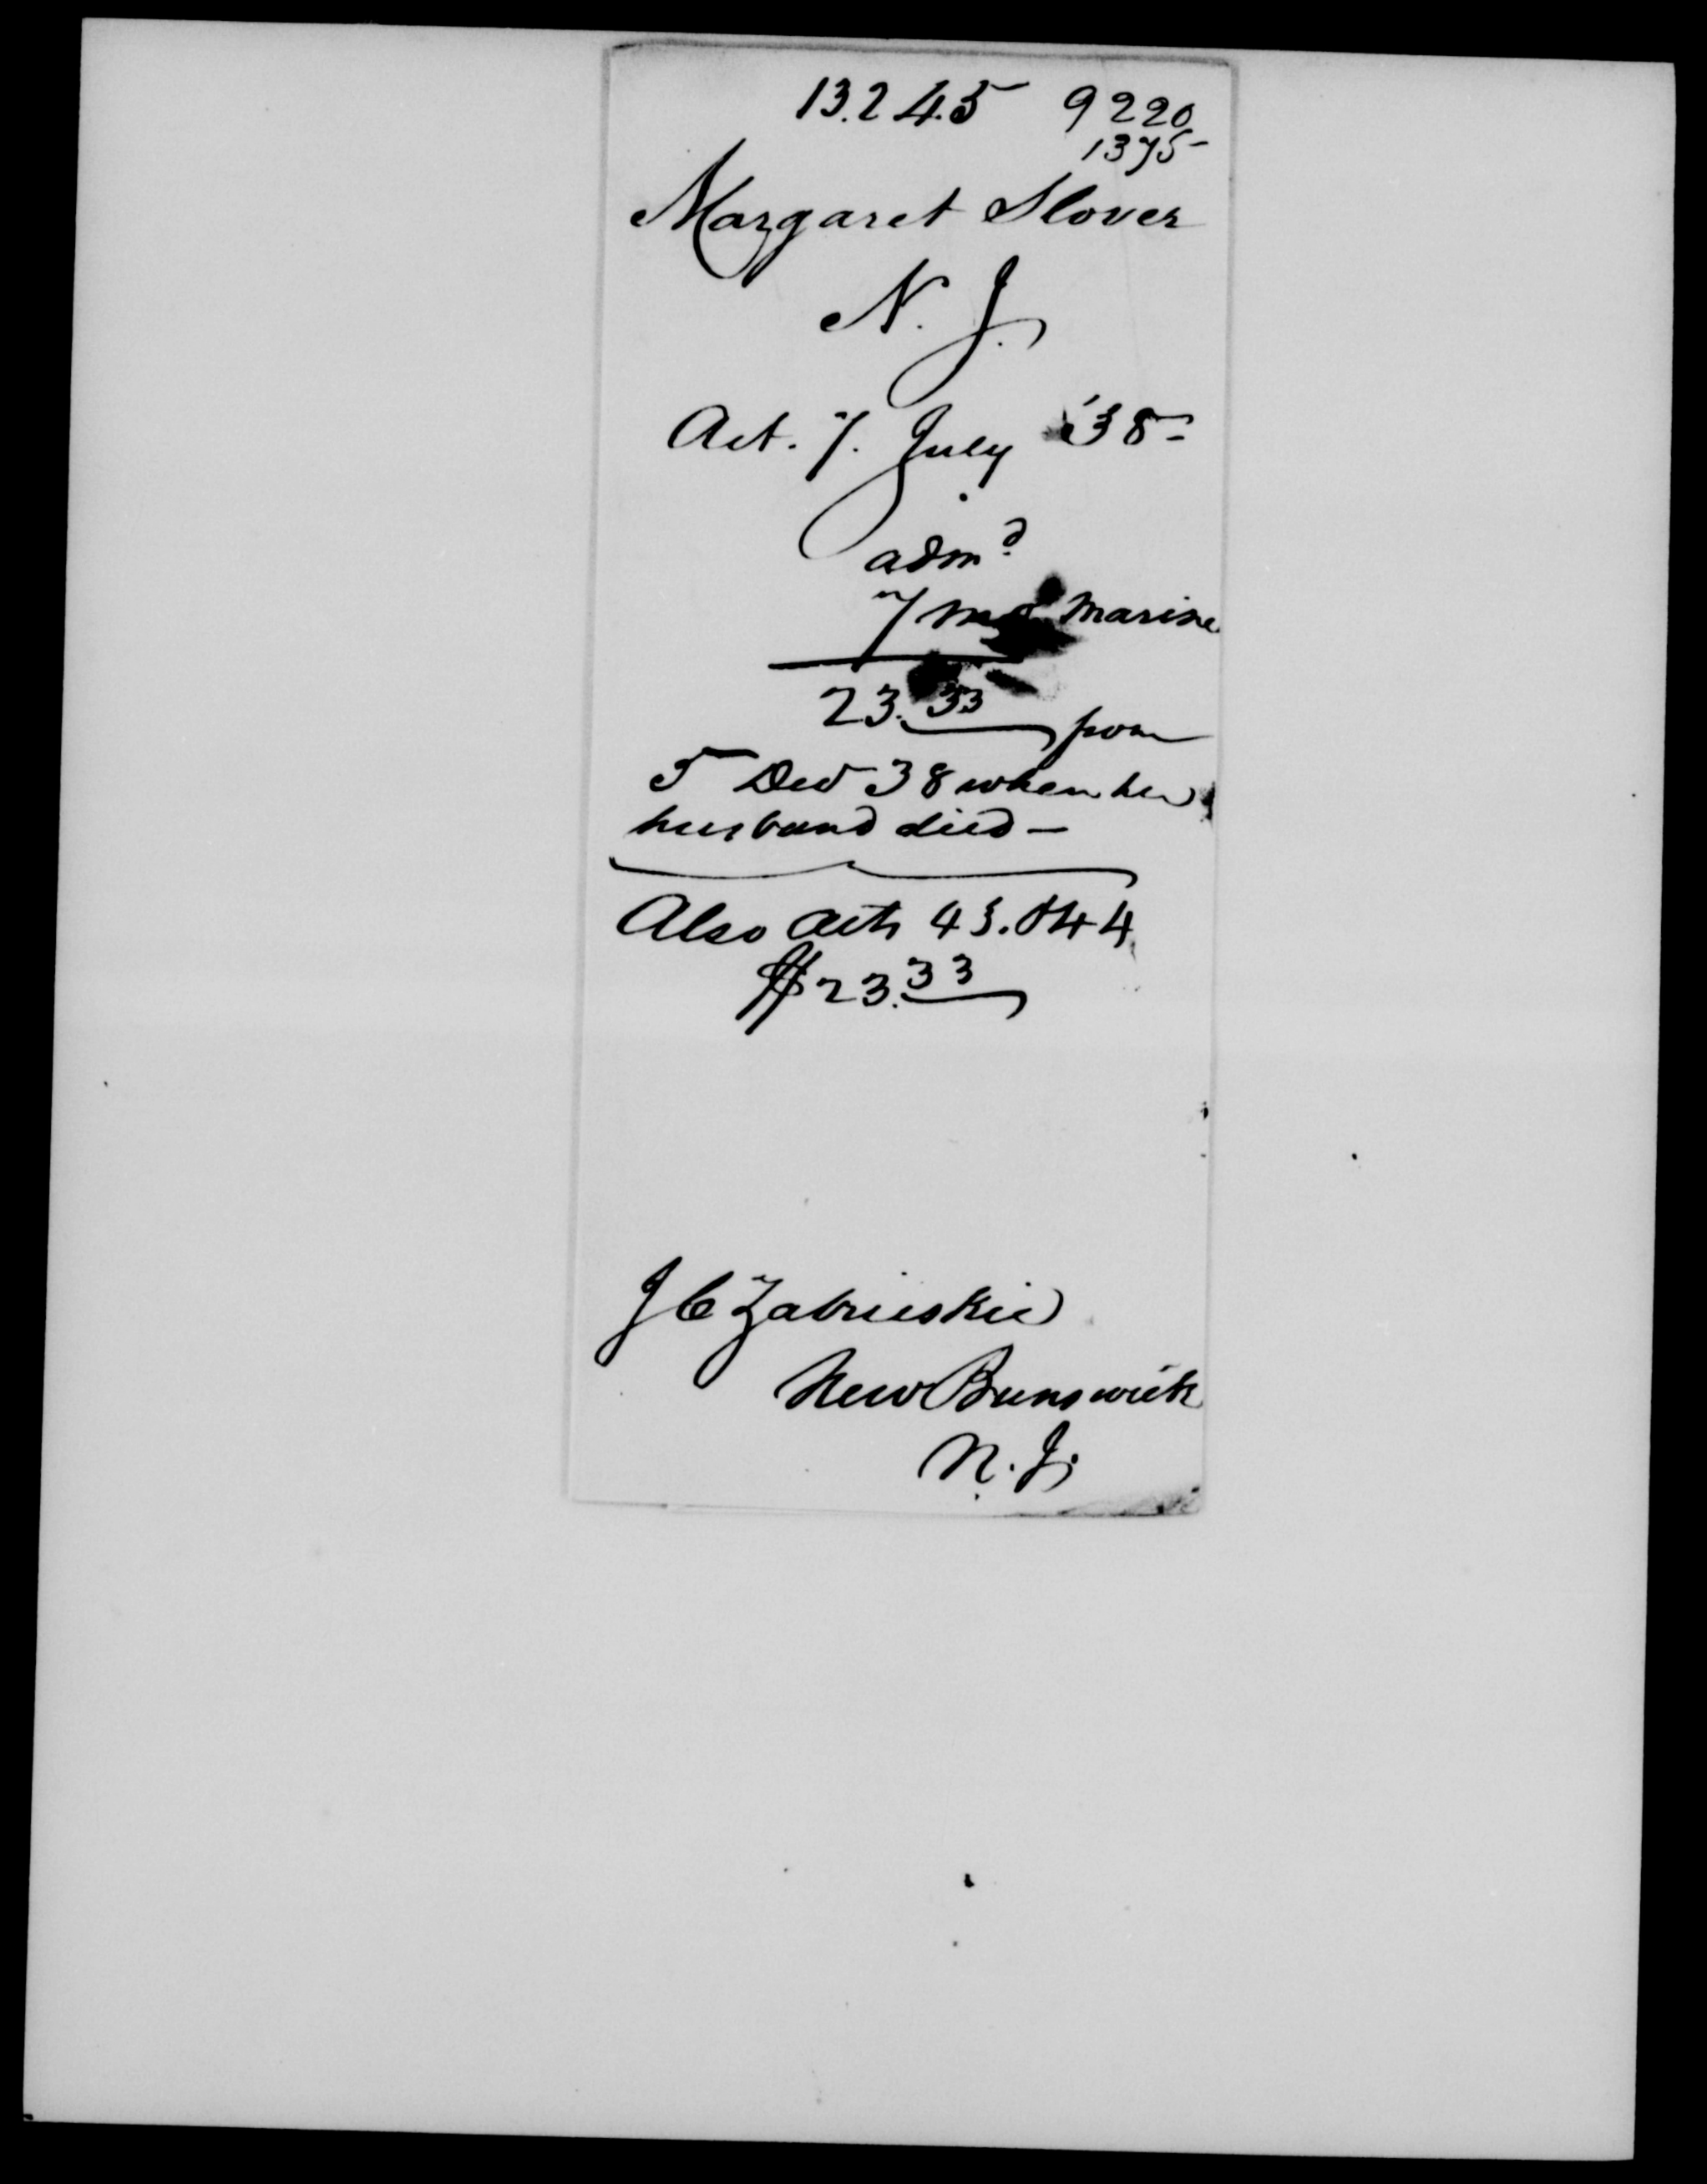13,245 | 9220, 1375

Margaret Slover
N.J.
Act 7 July '38

Adm(itted) 7 months, Marine.
$23.00 from 5 Dec. '38, when her husband died.

Also Acts '43 & '44.
$23.33

J.C. Zabrieskie
New Brunswick, N.J.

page: 36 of 46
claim: widow's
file: W. 6205, for John Slover, New Jersey